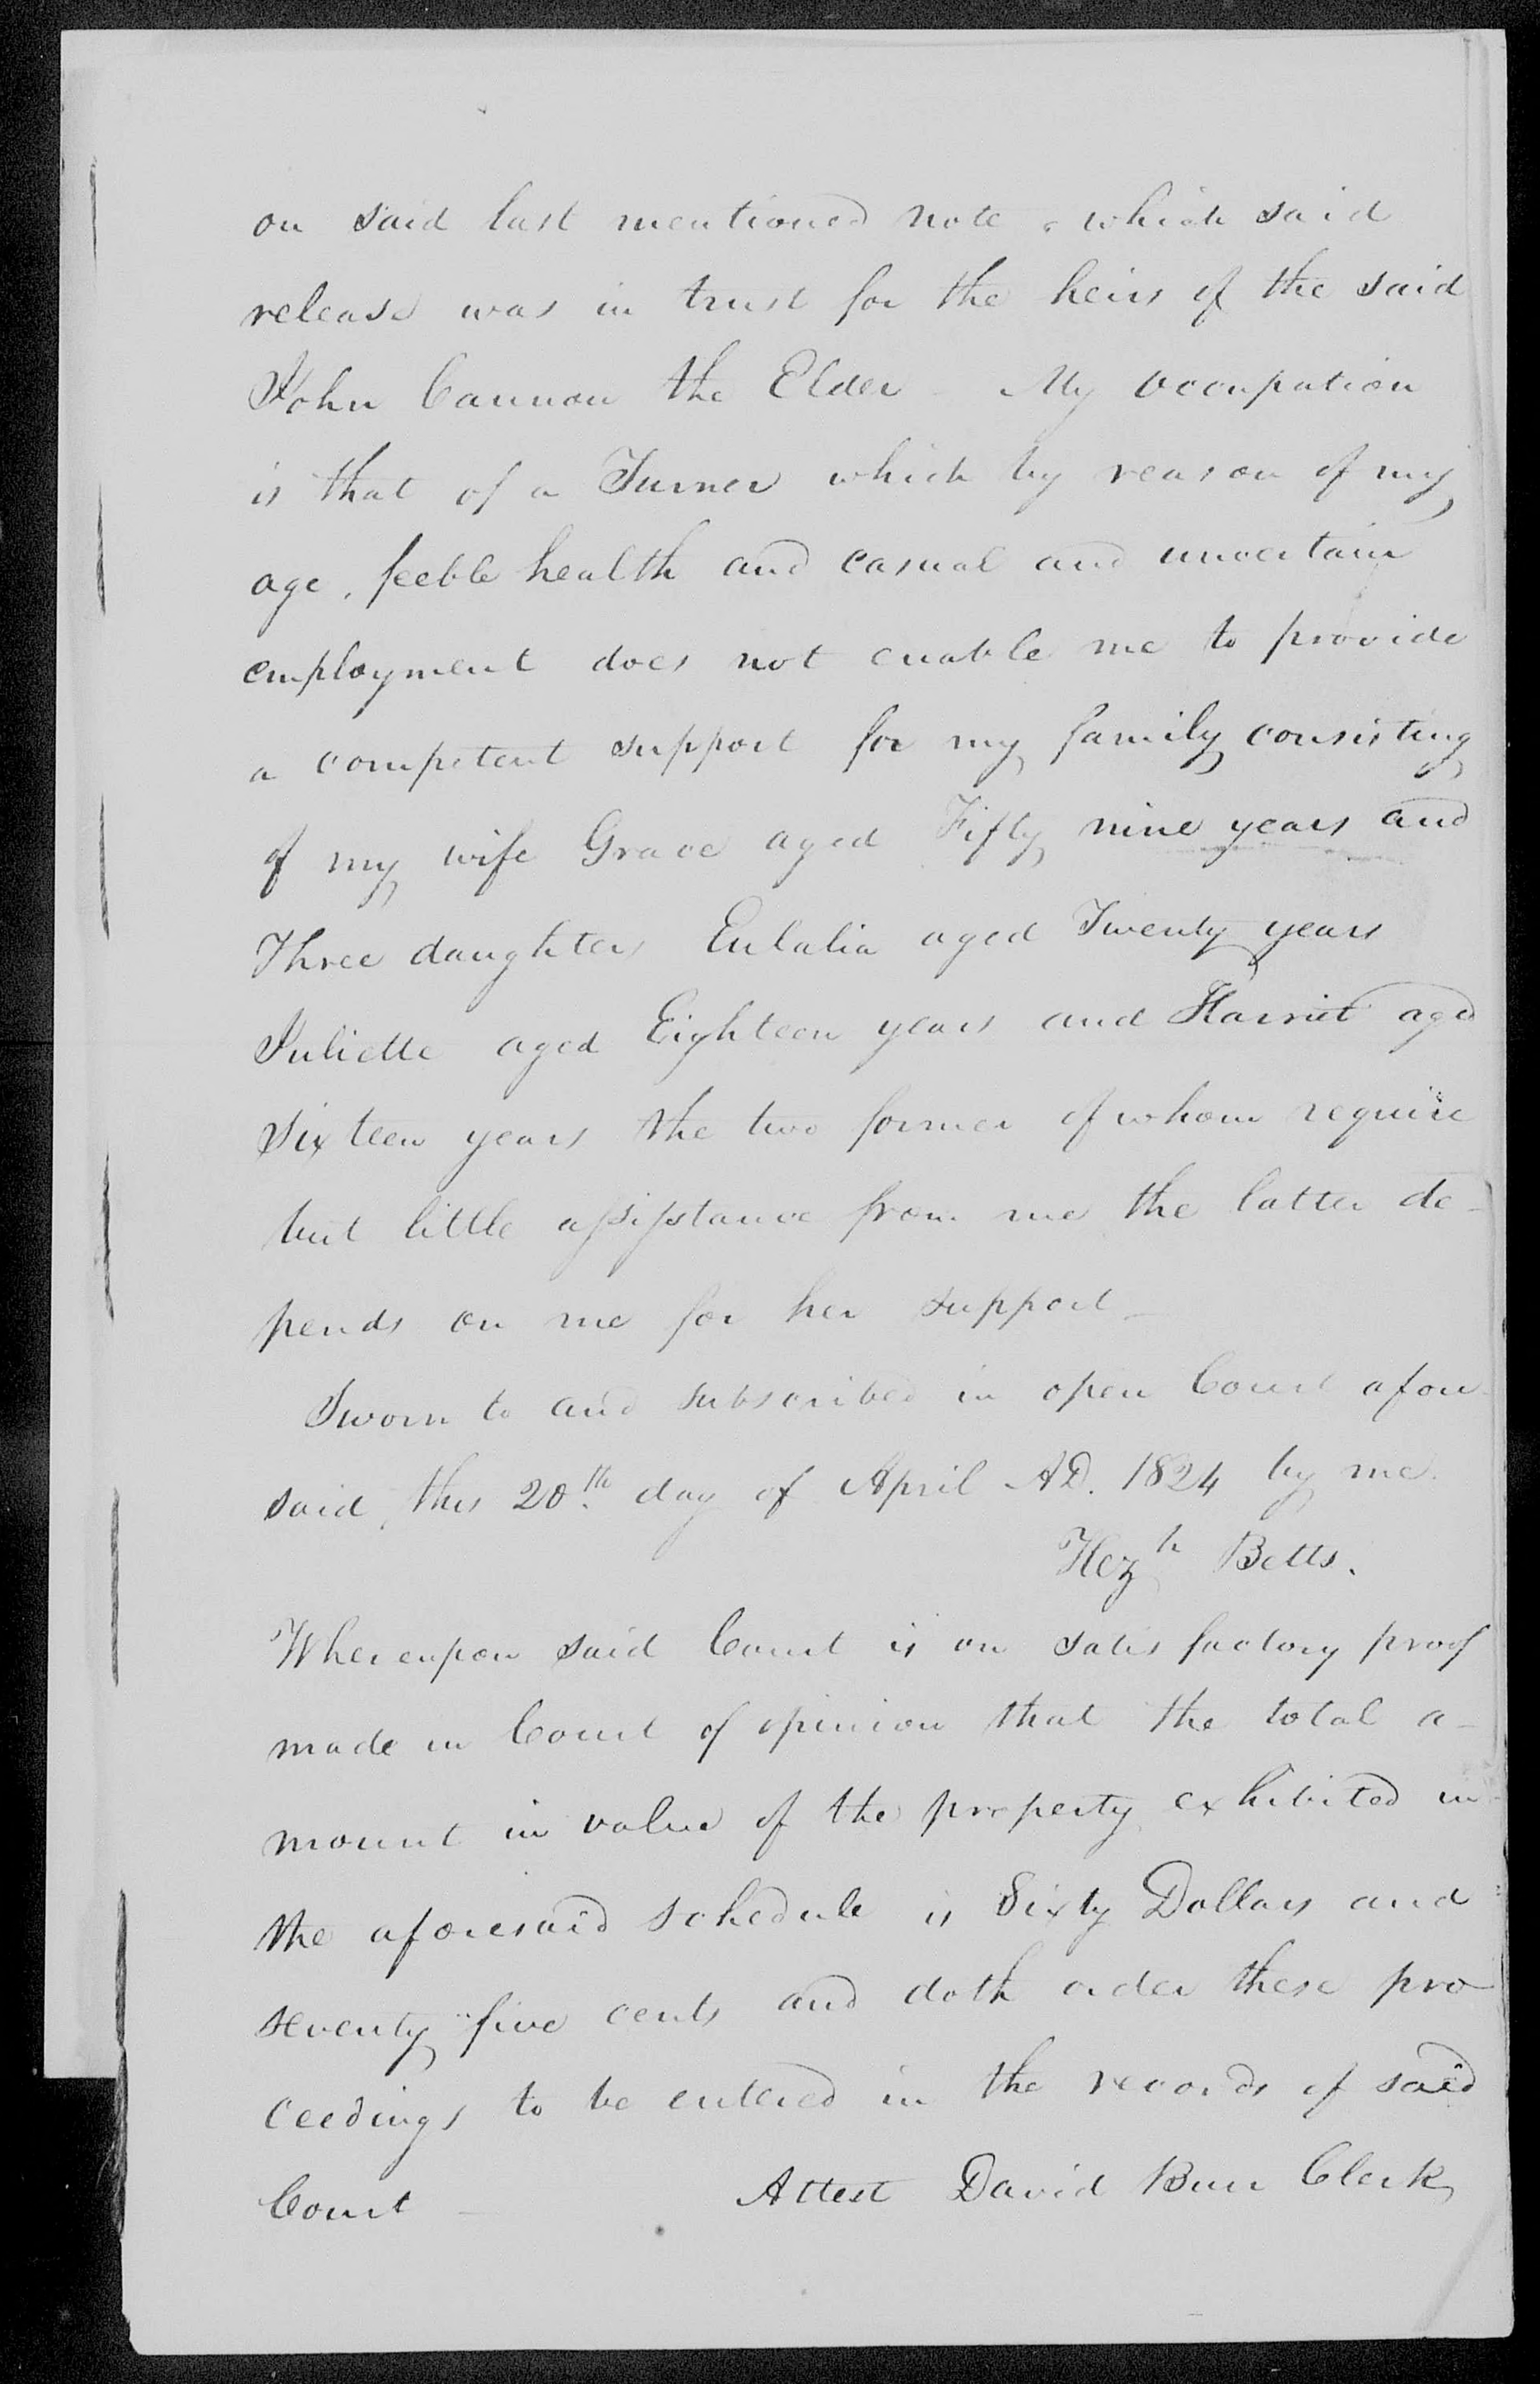on said last mentioned note which said release was in trust for the heirs of the said John Cannon the Elder. My occupation is that of a Turner which by reason of my age, feeble health and casual and uncertain employment does not enable me to provide a competent support for my family, consisting of my wife Grace aged fifty nine years, and three daughters Eulalia aged twenty years, Juliette aged eighteen years and Harriet aged sixteen years the two former of whom require but little assistance from me the latter depends on me for her support. 
Sworn to and subscribed in open Court aforesaid this 20th day of April AD 1824 by me
Hezh Betts
Whereupon said Court is on satisfactory proof made in Court of opinion that the total amount in value of the property exhibited in the aforesaid schedule is sixty dollars and seventy five cents and doth order these proceedings to be entered in the records of said Court.
Attest David Burr Clerk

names: Hezh Betts, Grace, Eulalia, John Cannon, David Burr, Harriet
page: 55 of 61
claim: widow's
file: W. 29,929, Hezekiah Betts, Conn.